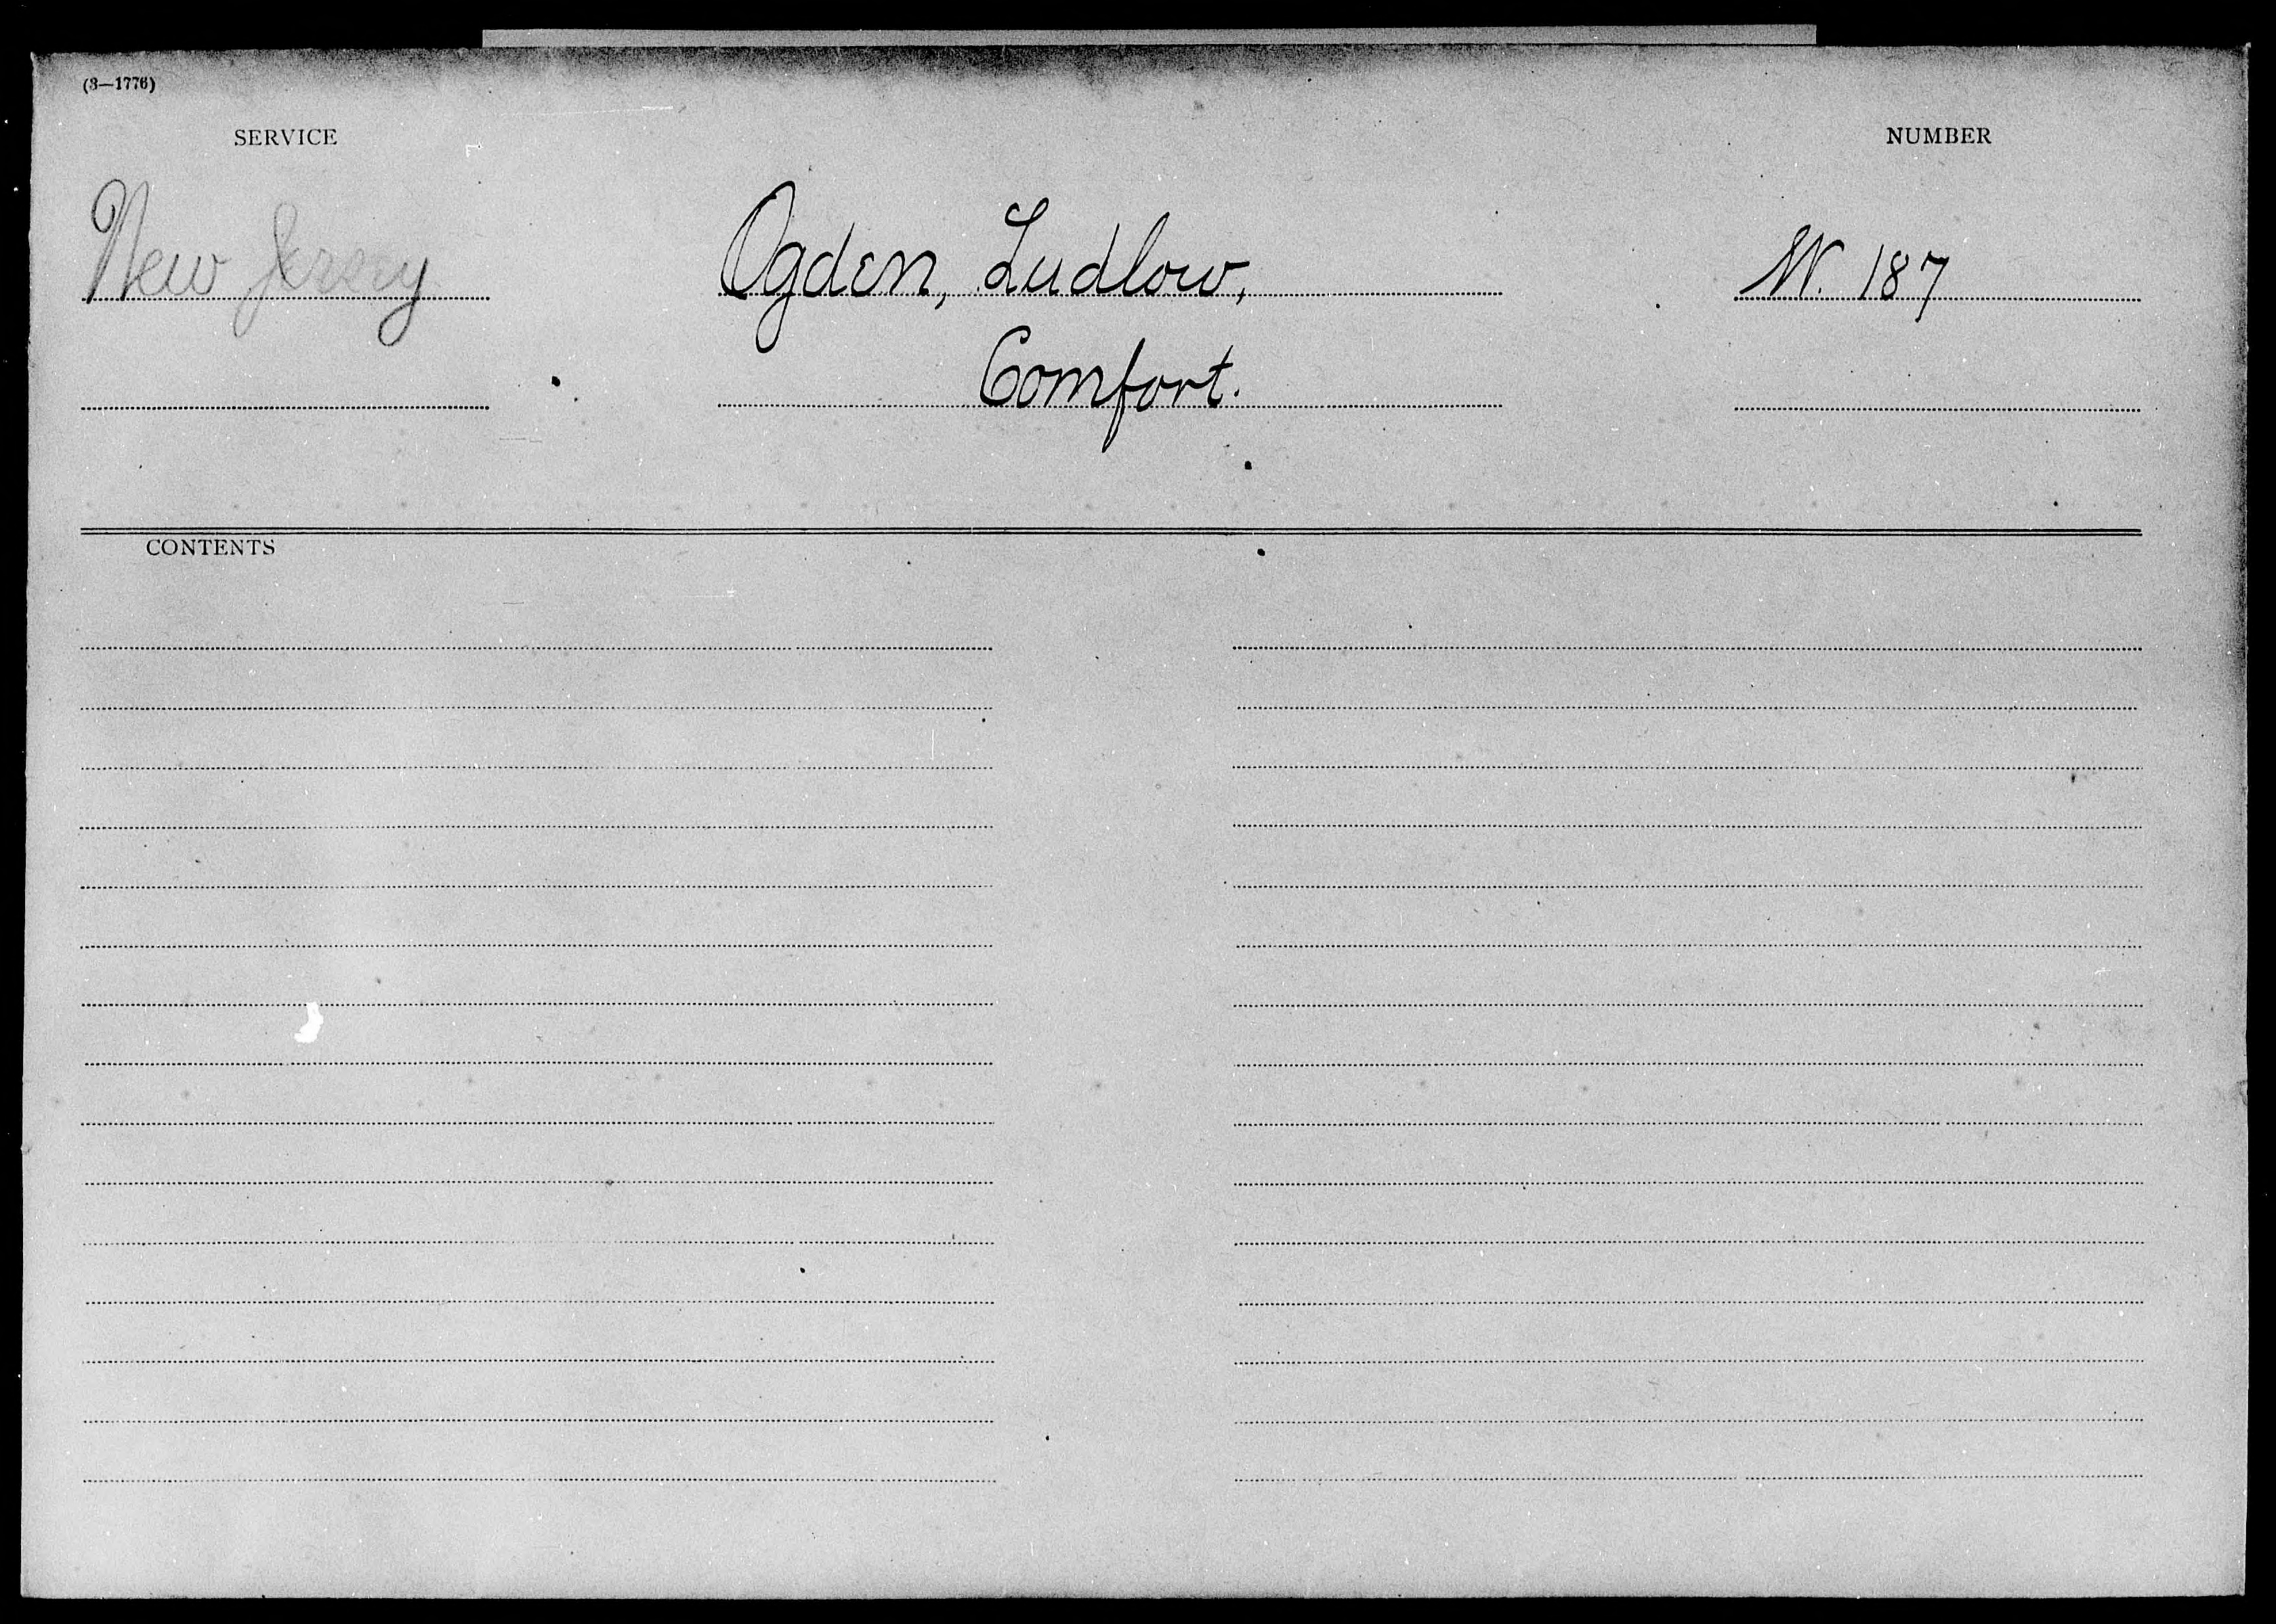New Jersey   Ogen, Ludlow     W.187
                        Comfort.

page: 1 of 25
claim: widow's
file: W. 187, for Ludlow Ogden, New Jersey